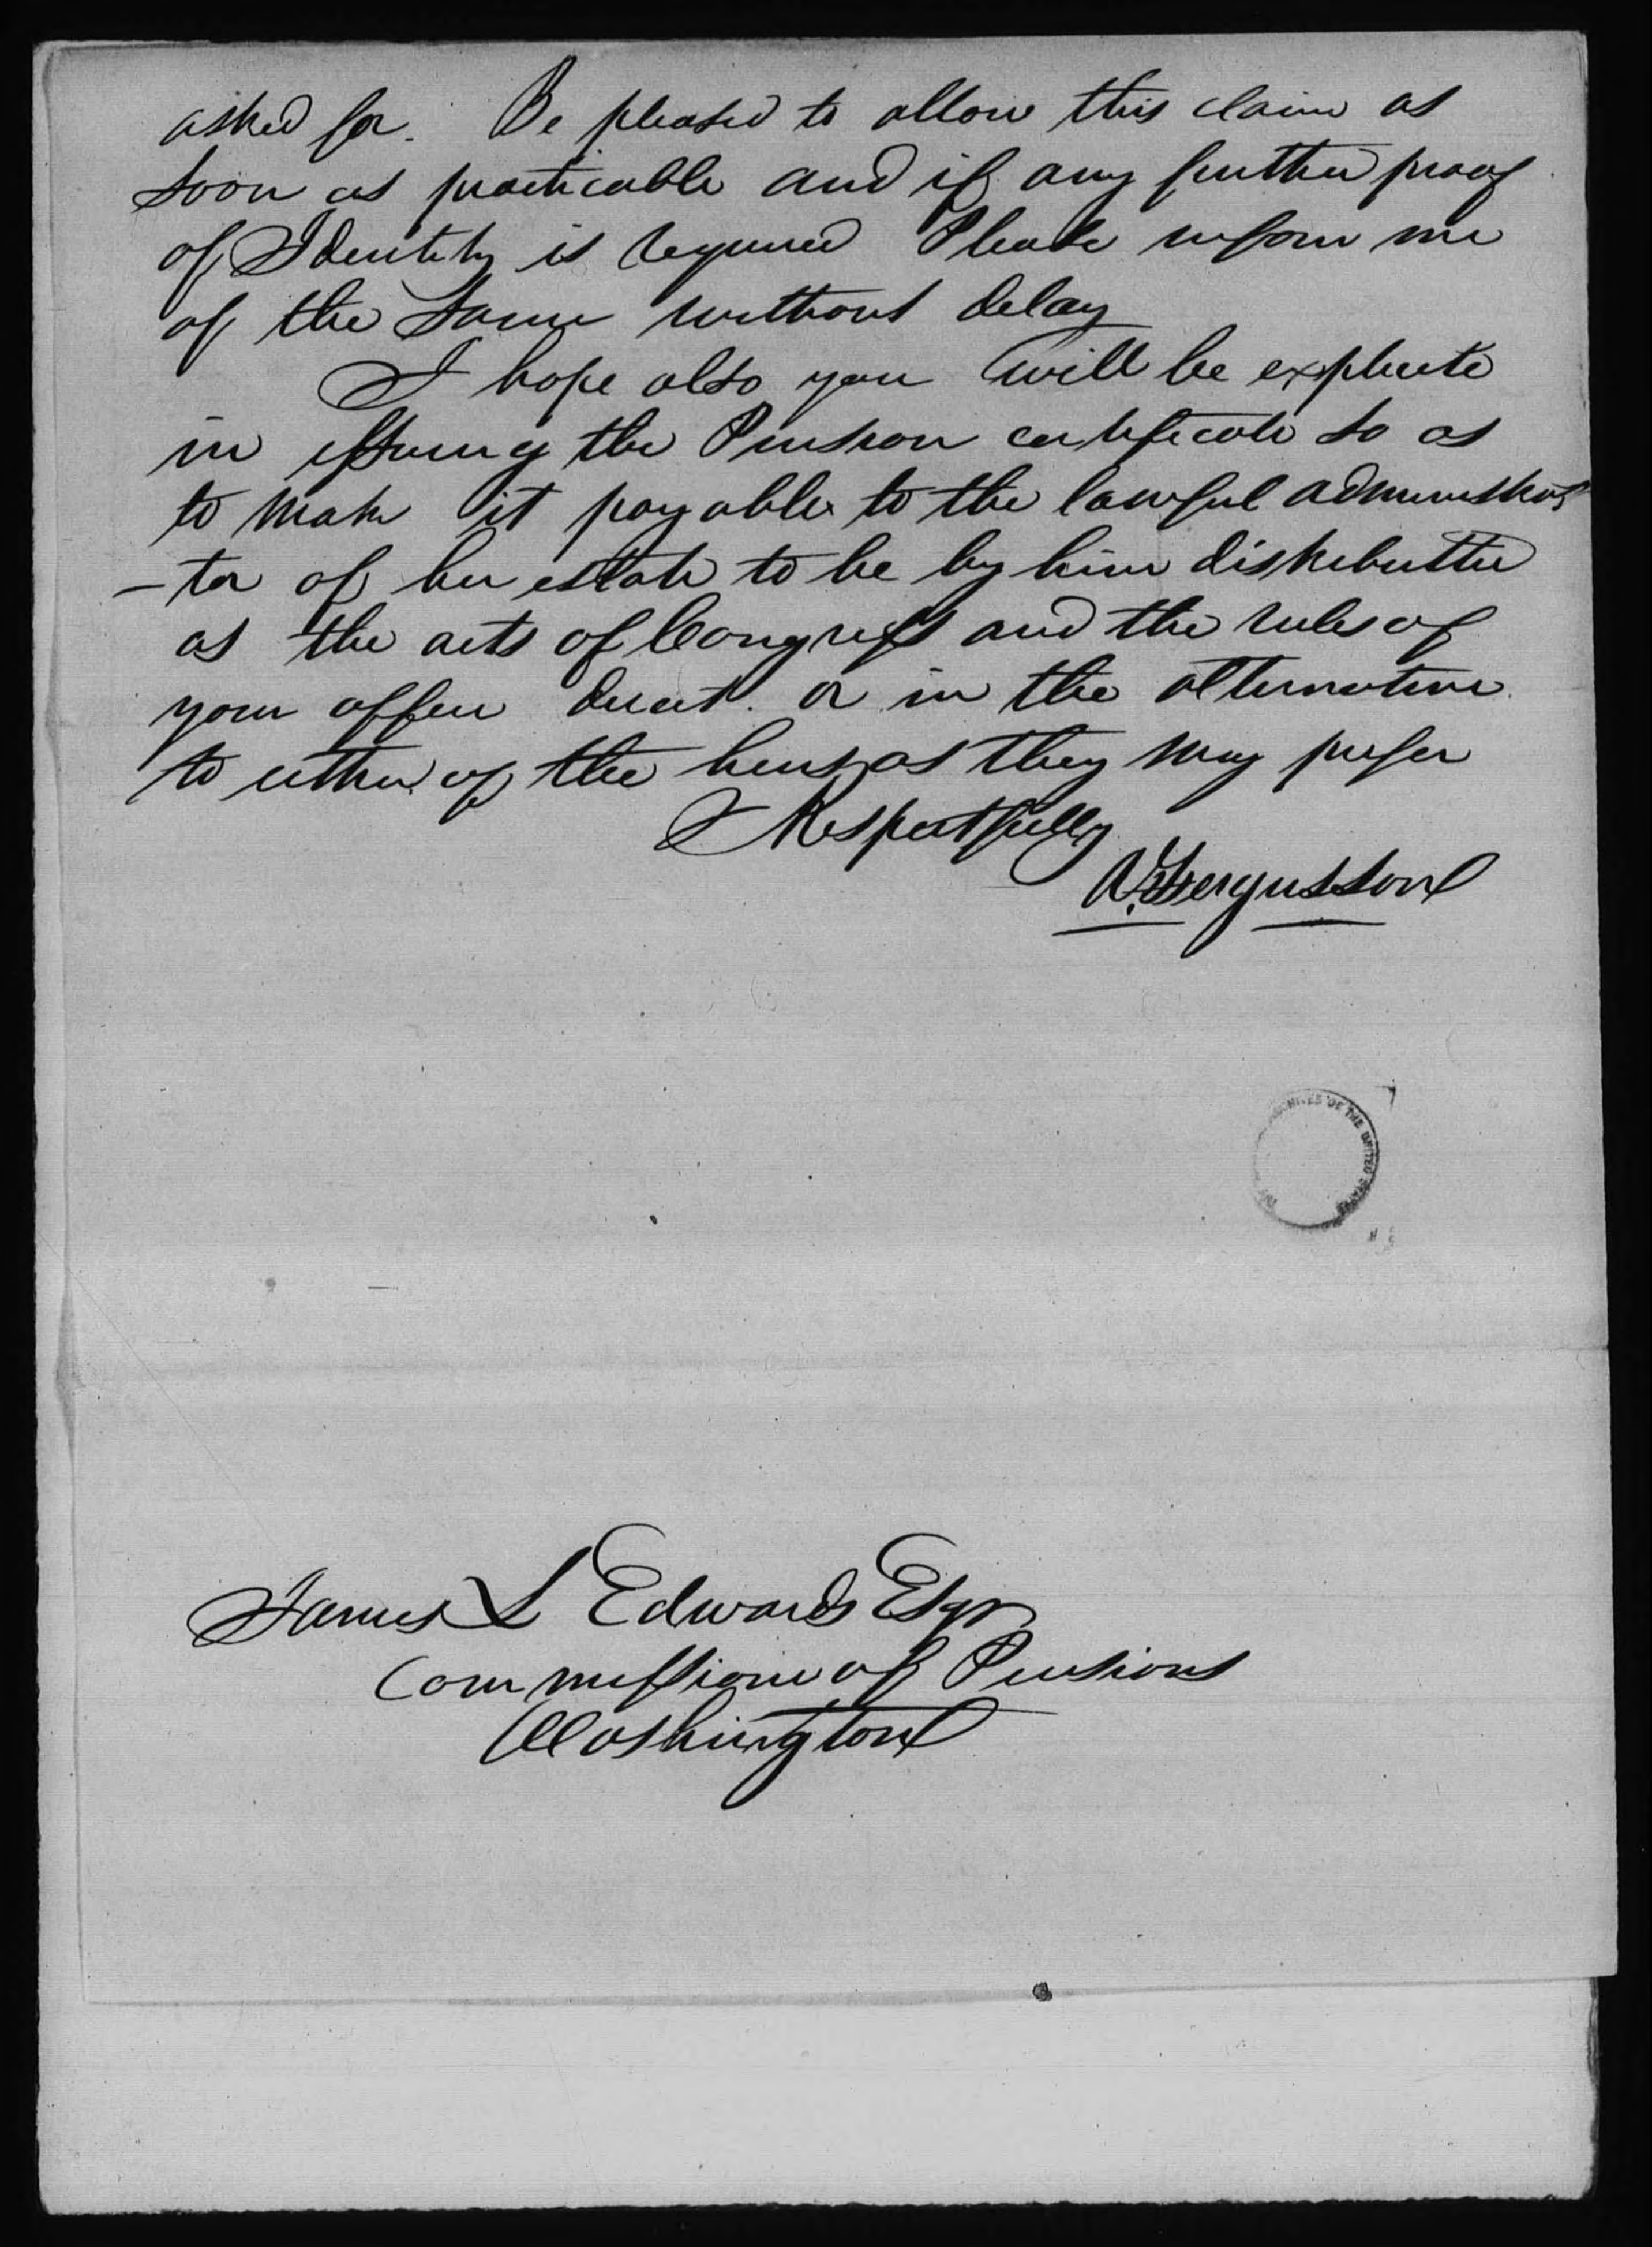asked for.  Be pleased to allow this claim as 
soon as practicable and if any further proof 
of identity is required please inform me 
of the same without delay.

I hope also you will be [illegible] 
in issuing the Pension certificate so as 
to make it payable to the lawful administra
tor of her estate to be by him distributed 
as the acts of Congress and the rules of 
your office direct, or in the alternative 
to either of the heirs as they may prefer
Respectfully

A Fergusson
[Circular seal of National Archives]
THE NATIONAL ARCHIVES OF THE UNITED STATES

James L Edwards Esqr
Commissioner of Pensions 
Washington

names: A Fergusson, James L Edwards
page: 57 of 76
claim: widow's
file: W. 83, Albert Hendricks, Continental Md. N.C.